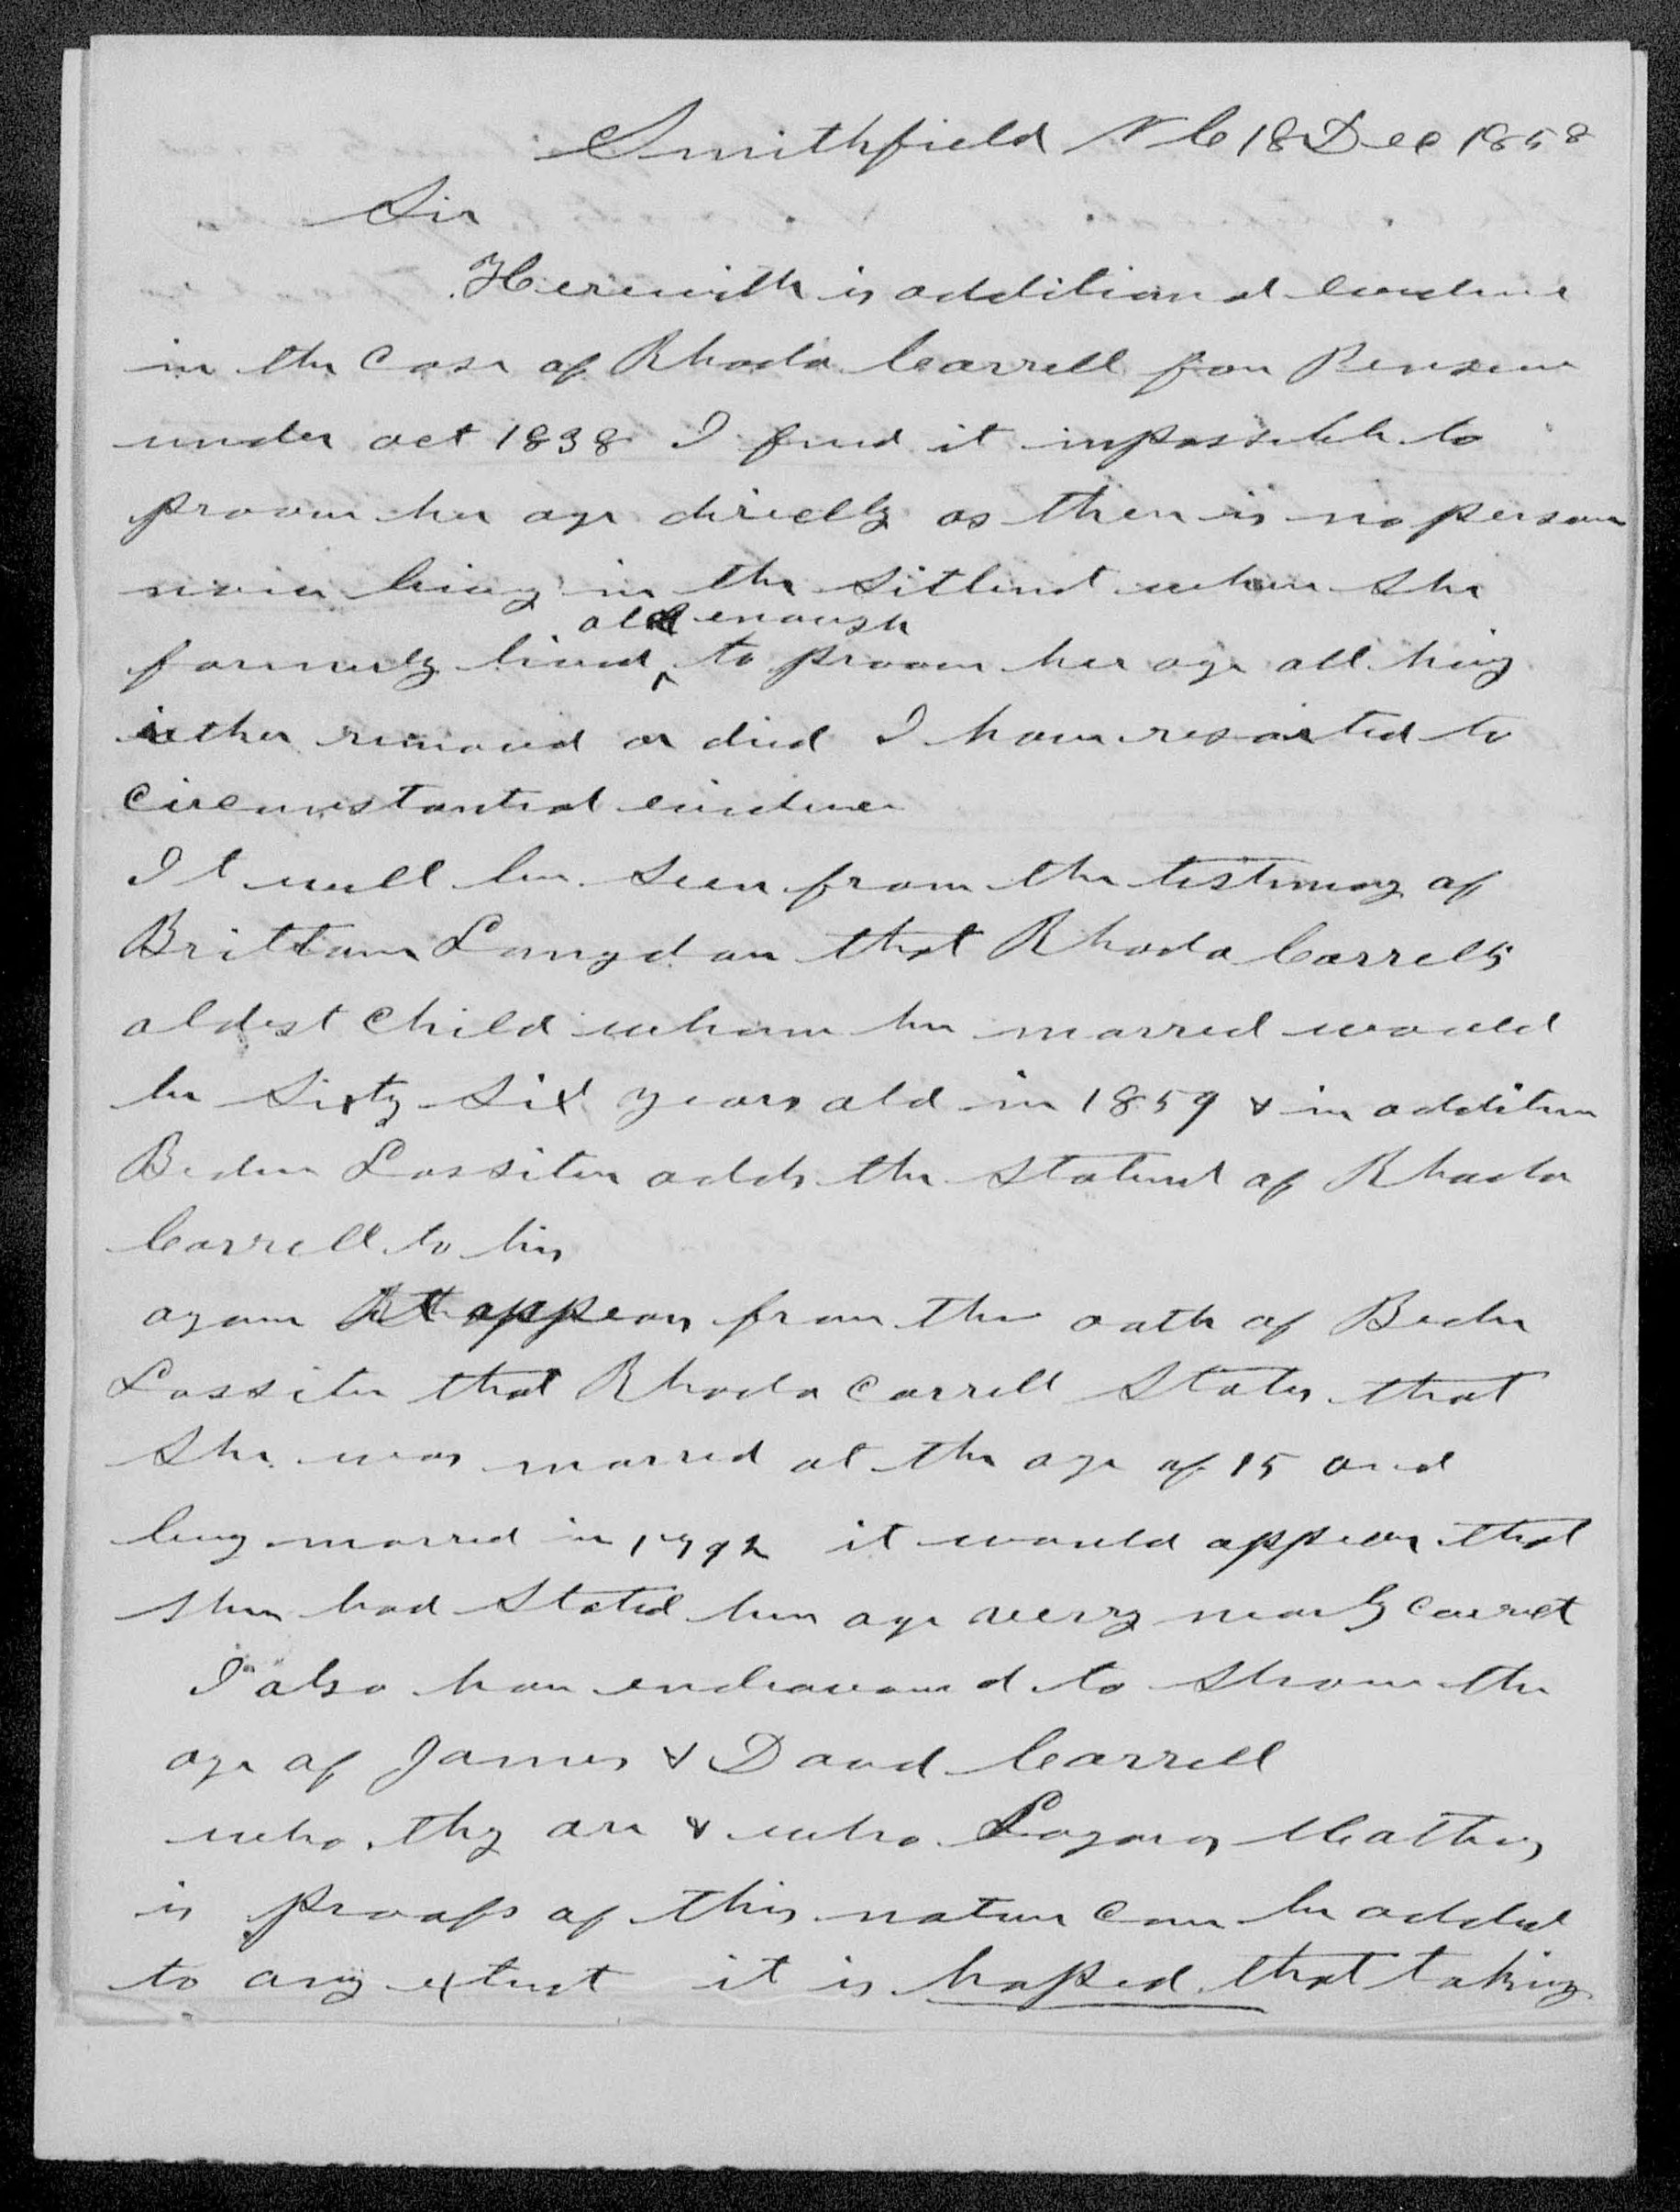Smithfield NC 18 Dec 1858
Sir
Herewith is additional evidence in the case of Rhoda Carrell for pension under at 1838. I find it impossible to prove her age directly as there is no person now living in the sitlement where she formerly lived old enough to prove her age all having either removed or died I have resorted to circumstantial evidence.
It will be seen from the testimony of Brittan Langdon that Rhoda Carrells oldest child whom he married would be sixty six years old in 1859 and in addition Bedie Lassiter adds the statement of Rhoda Carrell to his
[illegible] it  appears from the oath of Bedie Lassiter that Rhoda Carrell states that she as married at the age of 15 and being married in 1792 it would appear that she had stated her age very nearly correct I also have enclosed to show the age of James and David Carrell who they are and who Lazarus Mathews is proofs of this nature can be added to any extent it is hoped that taking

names: Bedie Lassiter, David Carrell, Rhoda Carrell, Brittain Langdon, Bedie Lassiter, James Carrell, Rhoda Carrell, Rhoda Carrell, Rhoda Carrell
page: 60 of 86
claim: widow's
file: W. 6899, James Carrell, N.C.